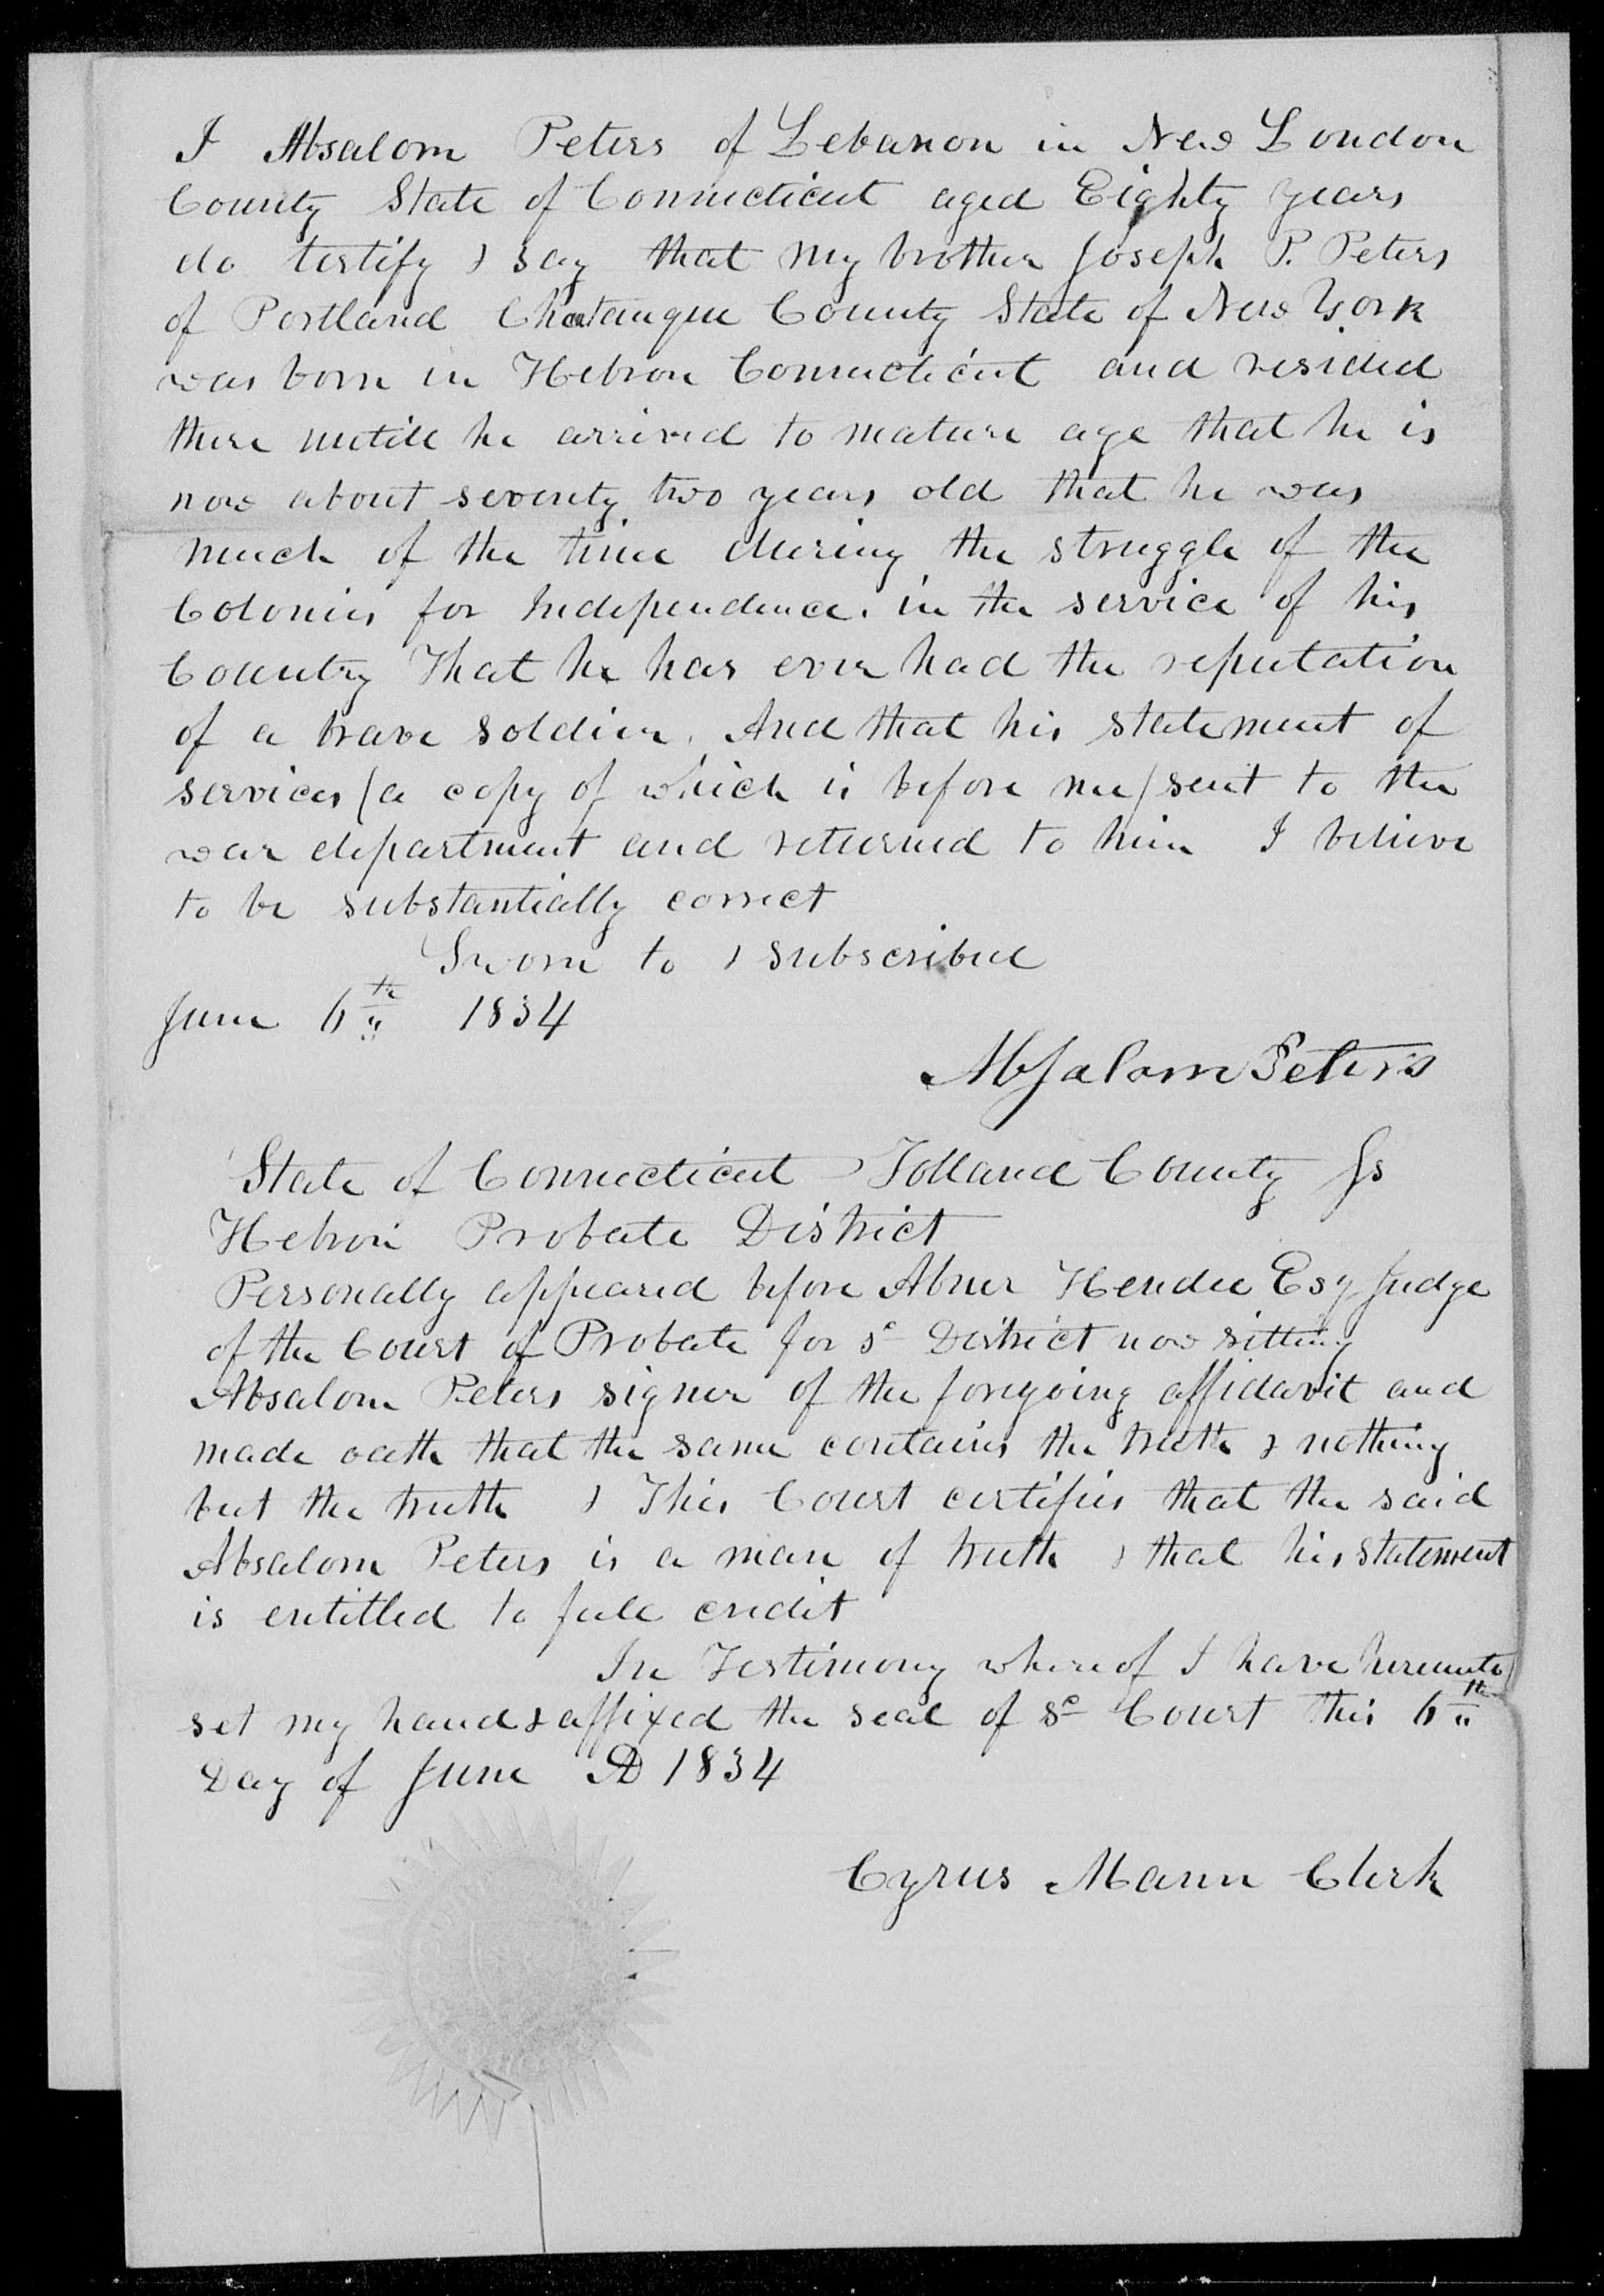I Absalom Peters of Lebanon in New London County State of Connecticut aged Eighty years do testify & say that my brother Joseph P. Peters of Portland Chautauqua County State of New York was born in Hebron Connecticut and resided there untill he arrived to mature age that he is now about seventy two years old that he was much of the time during the struggle of the Colonies for Independence, in the service of his Country, that he has ever had the reputation of a brave soldier, And that his statement of services (a copy of which is before me) sent to the war department and returned to him I believe to be substantially correct.   
Sworn to & subscribed 
June 6th 1834 
Absalom Peters 
State of Connecticut 
Tolland County ss Hebron Probate District Personally appeared before Abner Hender Esq Judge of the Court of Probate for said District now sitting Absalom Peters signer of the foregoing affidavit and made oath that the same contains the truth & nothing but the truth & this Court certifies that the said Absalom Peters is a man of truth & that his statement is entitled to full credit 
In Testimony whereof I have hereunto set my hand & affixed the seal of said Court this 6" day of June AD 1834  
Cyrus Mann Clerk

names: Joseph P Peters; Cyrus Mann; Abner Hendee; Absalom Peters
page: 66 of 73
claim: widow's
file: W. 2338, for Joseph P Peters, Connecticut